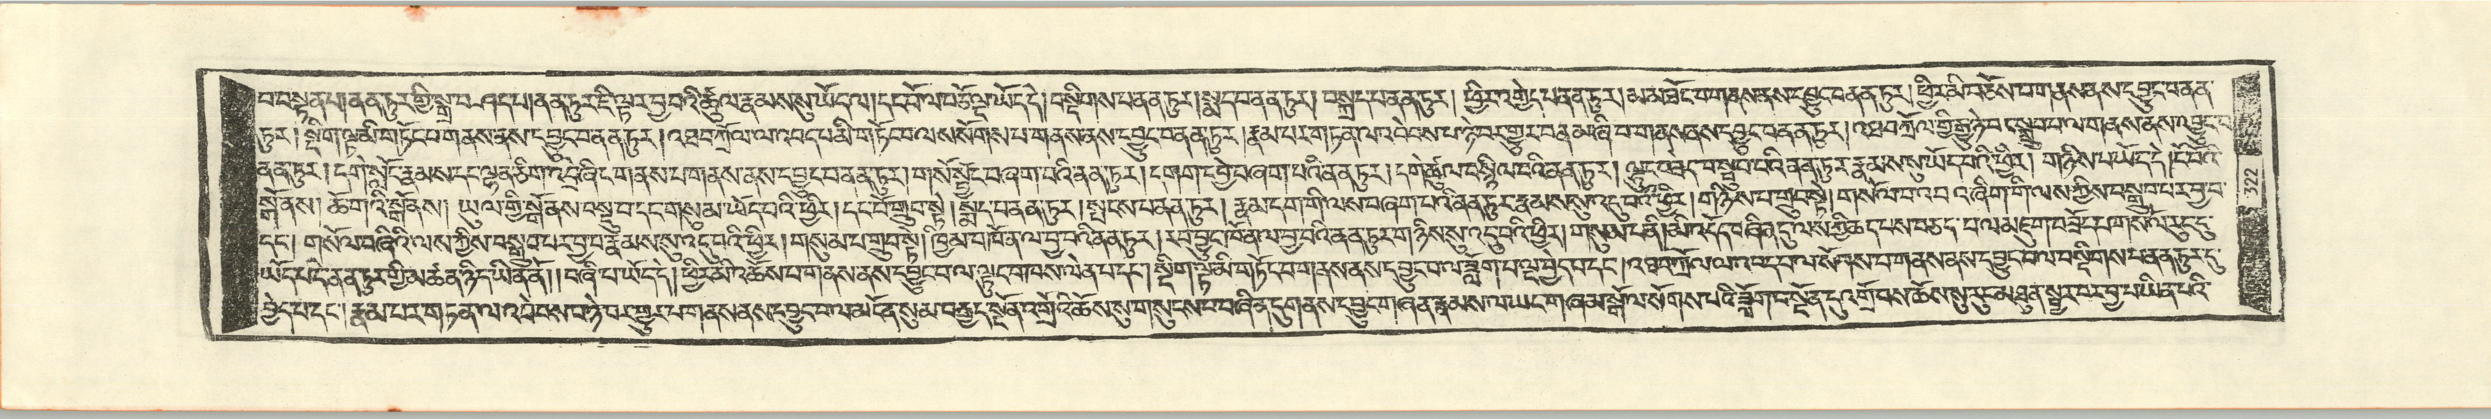བ་བསྟན་པ། ནན་ཏུར་གྱི་སྒྲ་བཤད་པ། ནན་ཏུར་ཇི་ལྟར་བྱ་བའི་ཚུལ་རྣམས་སུ་ཡོད་ལ། དང་པོ་ལ་བཅོ་ལྔ་ཡོད་དེ། བསྡིགས་པ་ནན་ཏུར། སྨད་པ་ནན་ཏུར། བསྐྲད་པ་ནན་ཏུར། ཕྱིར་འགྱེད་པ་ནན་ཏུར། མ་མཐོང་བ་གནས་ནས་དབྱུང་བ་ནན་ཏུར། ཕྱིར་མི་བཅོས་པ་གནས་ནས་དབྱུང་བ་ནན་
ཏུར། སྡིག་ལྟ་མི་གཏོང་པ་གནས་ནས་དབྱུང་བ་ནན་ཏུར། འཐབ་ཀྲོལ་ལ་འབད་པ་མི་གཏོང་བ་ལས་སོགས་པ་གནས་ནས་དབྱུང་བ་ནན་ཏུར། རྣམ་པར་གཏན་ལ་འབེབས་པ་ཉེ་བར་གྱུར་བ་ནམ་ཞི་བ་གནས་ནས་དབྱུང་བ་ནན་ཏུར། འཐབ་ཀྲོལ་གྱི་རྒྱུ་ཉེ་བར་སྒྲུབ་པ་ལ་གནས་ནས་འབྱུང་བ་
ནན་ཏུར། དགེ་སློང་རྣམས་དང་ལྷན་ཅིག་འདྲེ་ཞིང་གནས་པ་གནས་ནས་དབྱུང་བ་ནན་ཏུར། གསོ་སྦྱོང་བཞག་པའི་ནན་ཏུར། དགག་དབྱེ་བཞག་པའི་ནན་ཏུར། དགེ་ཚུལ་བསྙིལ་བའི་ནན་ཏུར། ལྷུང་བཟེད་བ་སྤུབ་པའི་ནན་ཏུར་རྣམས་སུ་ཡོད་པའི་ཕྱིར། གཉིས་པ་ཡོད་དེ། ངོ་བོའི་
སྒོ་ནས། ཆོ་གའི་སྒོ་ནས། ཡུལ་གྱི་སྒོ་ནས་བསྡུ་བ་དང་གསུམ་ཡོད་པའི་ཕྱིར། དང་པོ་གྲུབ་སྟེ། སྨད་པ་ནན་ཏུར། སྤངས་པ་ནན་ཏུར། རྣམ་དག་གི་ལས་བཞག་པའི་ནན་ཏུར་རྣམས་སུ་འདུ་བའི་ཕྱིར། གཉིས་པ་གྲུབ་སྟེ། གསོལ་བ་འབའ་ཞིག་གི་ལས་ཀྱིས་བསྒྲུབ་པར་བྱ་བ་
དང་། གསོལ་བཞིའི་ལས་ཀྱིས་བསྒྲུབ་པར་བྱ་བ་རྣམས་སུ་འདུ་བའི་ཕྱིར། གསུམ་པ་གྲུབ་སྟེ། ཁྱིམ་པ་ཁོ་ན་ལ་བྱ་བའི་ནན་ཏུར། རབ་བྱུང་ཁོ་ན་ལ་བྱ་བའི་ནན་ཏུར་གཉིས་སུ་འདུ་བའི་ཕྱིར། གསུམ་པ་ནི། མི་འདོད་བཞིན་དུ་ལས་ཀྱི་ཆད་པས་བཅད་པ་ལ་མཇུག་བཟོད་པ་གསོལ་རུང་དུ་
ཡོད་པ་དེ་ནན་ཏུར་གྱི་མཚན་ཉིད་ཡིན་ནོ། །བཞི་པ་ཡོད་དེ། ཕྱིར་མི་འཆོས་པ་གནས་ནས་དབྱུང་བ་ལ་ལྟུང་བ་ཁས་ལེན་པ་དང་། སྡིག་ལྟ་མི་གཏོང་བ་གནས་ནས་དབྱུང་བ་ལ་ཟློག་པ་ལྔ་བྱེད་པ་དང་། འཐབ་ཀྲོལ་ལ་འབད་པ་ལ་སོགས་པ་གནས་ནས་དབྱུང་བ་ལ་བསྡིགས་པ་ནན་ཏུར་དུ་
བྱེད་པ་དང་། རྣམ་པར་གཏན་ལ་འབེབས་པ་ཉེ་བར་གྱུར་པ་གནས་ནས་དབྱུང་བ་ལ་མངོན་སུམ་བརྒྱད་སྔོན་འགྲོའི་ཆོས་སུ་གསུངས་པ་བཞིན་དུ་གནས་དབྱུང་གཞན་རྣམས་ལ་ཡང་གཞམ་སྒོ་ལ་སོགས་པའི་ཟློག་པ་སྔོན་དུ་འགྲོ་བས་ཆོས་སུ་རང་མཐུན་སྦྱར་བར་བྱ་ཡིན་པའི་